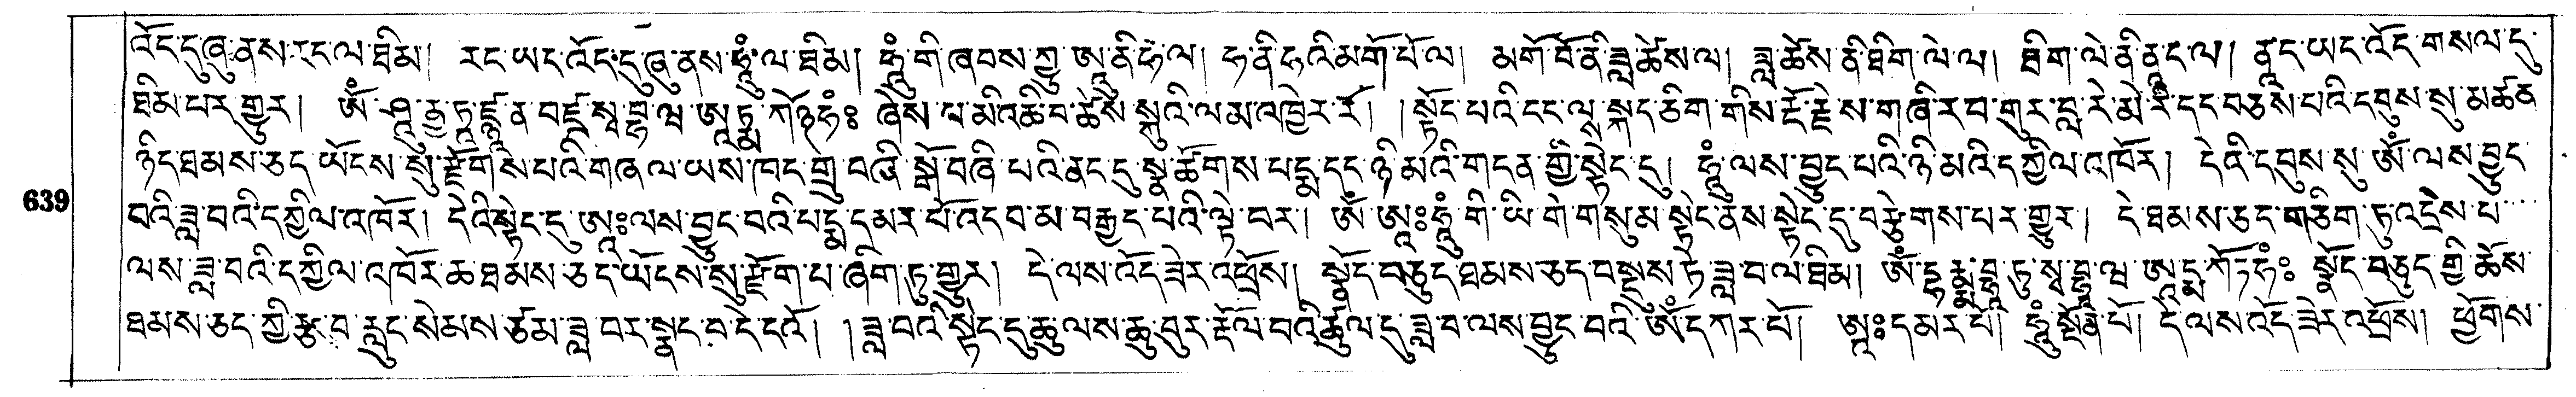འོད་དུ་ཞུ་ནས་རང་ལ་ཐིམ། རང་ཡང་འོད་དུ་དུ་ཞུ་ནས་ཧཱུཾ་ལ་ཐིམ། ཧཱུཾ་གི་ཞབས་ཀྱུ་ཨཱུ་ནི་ཧེ་ལ། ཧ་ནི་ཧའི་མགོ་པོ་ལ། མགོ་བོ་ནི་ཟླ་ཚེས་ལ། ཟླ་ཚེས་ནི་ཐིག་ལེ་ལ། ཐིག་ལེ་ནི་ནཱ་ང་ལ། ནཱ་ང་ཡང་འོད་གསལ་དུ་
ཐིམ་པར་གྱུར། ཨོཾ་ཤཱུ་ནྱ་ཏཱ་ཛྙཱ་ན་བཛྲ་སྭ་བྷ་ཝ་ཨཱཏྨ་ཀོ་ཉཧཾཿ ཞེས་པ་མི་འཆི་བ་ཚེས་སྐུའི་ལམ་འཁྱེར་རོ། །སྟོང་པའི་ངང་ལས་སྐད་ཅིག་གིས་རྡོ་རྗེ་ས་གཞི་རབ་གུར་བླ་རེ་མེ་རི་དང་བཅས་པའི་དབུས་སུ་མཚན་
ཉིད་ཐམས་ཅད་ཡོངས་སུ་རྫོགས་པའི་གཞལ་ཡས་ཁང་གྲུ་བཞི་སྒོ་བཞི་པའི་ནང་དུ་སྣ་ཚོགས་པདམ་དང་ཉི་མའི་གདན་གྱི་སྟེང་དུ། ཧཱུཾ་ལས་བྱུང་པའི་ཉི་མའི་དཀྱིལ་འཁོར། དེའི་དབུས་སུ་ཨོཾ་ལས་བྱུང་
བའི་ཟླ་བའི་དཀྱིལ་འཁོར། དེའི་སྟེང་དུ་ཨཱཿ ལས་བྱུང་བའི་པདམ་དམར་པོ་འདབ་མ་བརྒྱད་པའི་ལྟེ་བར། ཨོཾ་ཨཱཿ ཧཱུཾ་གི་ཡི་གེ་གསུམ་སྟེང་ནས་སྟེང་དུ་བརྩེགས་པར་གྱུར། དེ་ཐམས་ཅད་གཅིག་ཏུ་འདྲེས་པ་
ལས་ཟླ་བའི་དཀྱིལ་འཁོར་ཆ་ཐམས་ཅད་ཡོངས་སུ་རྫོག་པ་ཞིག་ཏུ་གྱུར། དེ་ལས་འོད་ཟེར་འཕྲོས། སྣོད་བཅུད་ཐམས་ཅད་བསྡུས་ཏེ་ཟླ་བ་ལ་ཐིམ། ཨོཾ་དྷརྨ་བྷཱ་ཏུ་སྭ་བྷཱ་ཝ་ཨཱ་དམ་ཀོ་ཏ་ཧཾཿ སྣོད་བཅུད་ཀྱི་ཆོས་
ཐམས་ཅད་ཀྱི་རྩ་བ་རླུང་སེམས་ཙམ་ཟླ་བར་སྣང་བ་དེ་དའོ། །ཟླ་བའི་སྟེང་དུ་ཆུ་ལས་ཆུ་བུར་རྡོལ་བའི་ཚུལ་དུ་ཟླ་བ་ལས་བྱུང་བའི་ཨོཾ་དཀར་པོ། ཨཱཿ དམར་པོ། ཧཱུཾ་སྔོན་པོ། དེ་ལས་འོད་ཟེར་འཕྲོས། ཕྱོགས་